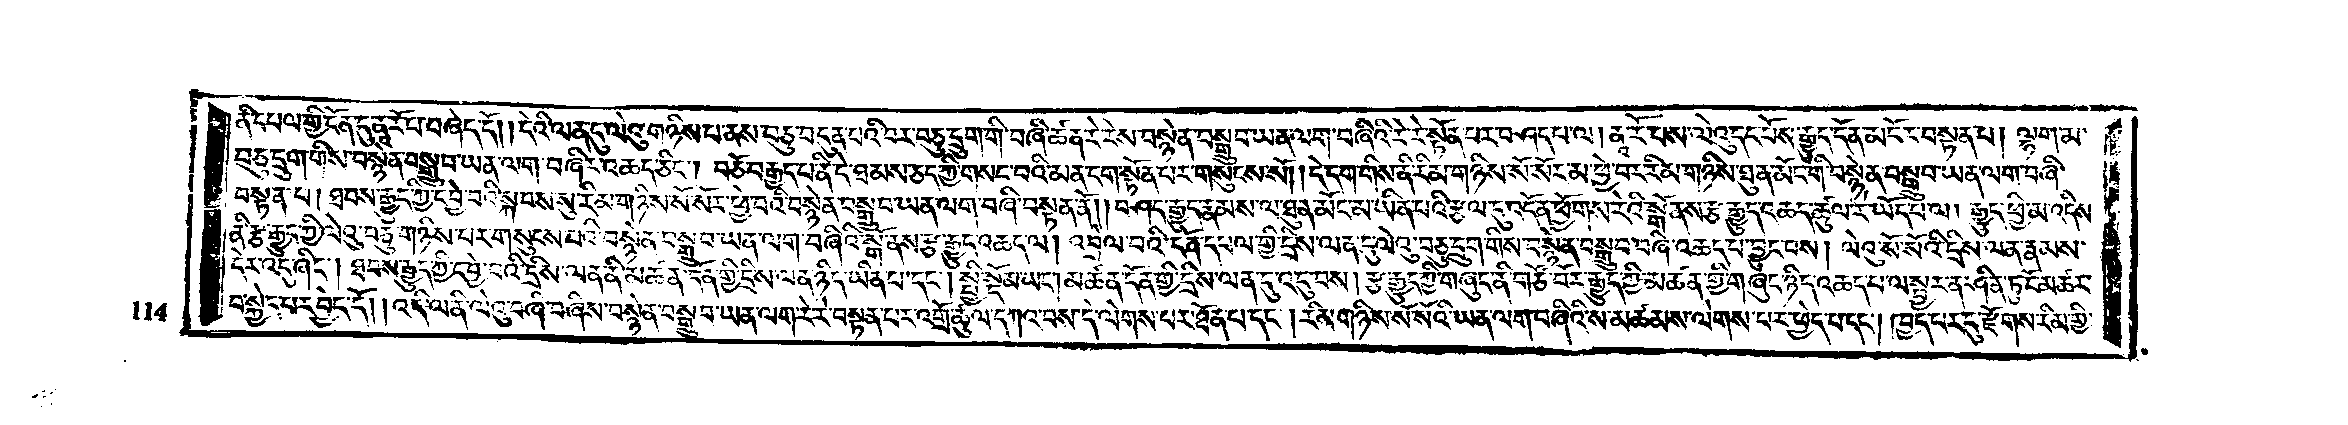ནི་དཔལ་གྱི་དོན་དུ་ན་རོ་པ་བཞེད་དོ། །དེའི་ལན་དུ་ལེའུ་གཉིས་པ་ནས་བཅུ་བདུན་པའི་བར་བཅུ་དྲུག་གི་བཞི་ཚན་རེ་རེས་བསྙེན་བསྒྲུབ་ཡན་ལག་བཞིའི་རེ་རེ་སྟོན་པར་བཤད་པ་ལ། ནཱ་རོ་པས་ལེའུ་དང་པོས་རྒྱུད་དོན་མདོར་བསྟན་པ། ལྷག་མ་
བཅུ་དྲུག་གིས་བསྙེན་བསྒྲུབ་ཡན་ལག་བཞིར་འཆད་ཅིང་། བཅོ་བརྒྱད་པ་ནི་དེ་ཐམས་ཅད་ཀྱི་གསང་བའི་མན་ངག་སྟོན་པར་གསུངས་སོ། །དེ་དག་གིས་ནི་རིམ་གཉིས་སོ་སོར་མ་ཕྱེ་བར་རིམ་གཉིས་ཐུན་མོང་གི་བསྙེན་བསྒྲུབ་ཡན་ལག་བཞི་
བསྟན་ལ། ཐབས་རྒྱུད་ཀྱི་དབྱེ་བའི་སྐབས་སུ་རིམ་གཉིས་སོ་སོར་ཕྱེ་བའི་བསྙེན་བསྒྲུབ་ཡན་ལག་བཞི་བསྟན་ནོ། །བཤད་རྒྱུད་རྣམས་ལ་ཐུན་མོང་མ་ཡིན་པའི་རྩལ་དུ་འདོན་ཕྱོགས་རེའི་སྒོ་ནས་རྩ་རྒྱུད་འཆད་ཚུལ་རེ་ཡོད་པ་ལ། རྒྱུད་ཕྱི་མ་འདིས་
ནི་རྩ་རྒྱུད་ཀྱི་ལེའུ་བཅུ་གཉིས་པར་གསུངས་པའི་བསྙེན་བསྒྲུབ་ཡན་ལག་བཞིའི་སྒོ་ནས་རྩ་རྒྱུད་འཆད་ལ། འབྲེལ་པའི་དོན་དཔལ་གྱི་དྲེས་ལན་དུ་ལེའུ་བཅུ་དྲུག་གིས་བསྙེན་བསྒྲུབ་བཞི་འཆད་པ་བྱུང་བས། ལེའུ་སོ་སོའི་དྲིས་ལན་རྣམས་
དེར་འདུ་ཞིང་། ཐབས་རྒྱུད་ཀྱི་དབྱེ་བའི་དྲིས་ལན་ནི་མཚན་དོན་གྱི་དྲིས་ལན་ཉིད་ཡིན་པ་དང་། སྤྱི་སྡོམ་ཡང་། མཚན་དོན་གྱི་དྲིས་ལན་དུ་འདུ་བས། རྩ་རྒྱུད་ཀྱི་གཞུང་ནི་གཙོ་བོར་རྒྱུད་ཀྱི་མཚན་གྱི་གཞུང་ཉིད་འཆད་པ་ལ་སྦྱར་ན་ཤིན་ཏུ་ངོ་མཚར་
བསྐྱེད་པར་བྱེད་དོ། །འདི་ལ་ནི་ལེའུ་བཞི་བཞིས་བསྙེན་བསྒྲུབ་ཡན་ལག་རེ་རེ་བསྟན་པར་འགྲོ་ཚུལ་དཀའ་བས་དེ་ལེགས་པར་ཐོན་པ་དང་། རིམ་གཉིས་སོ་སོའི་ཡན་ལག་བཞིའི་ས་མཚམས་ལེགས་པར་ཕྱེད་པ་དང་། ཁྱད་པར་དུ་རྫོགས་རིམ་གྱི་